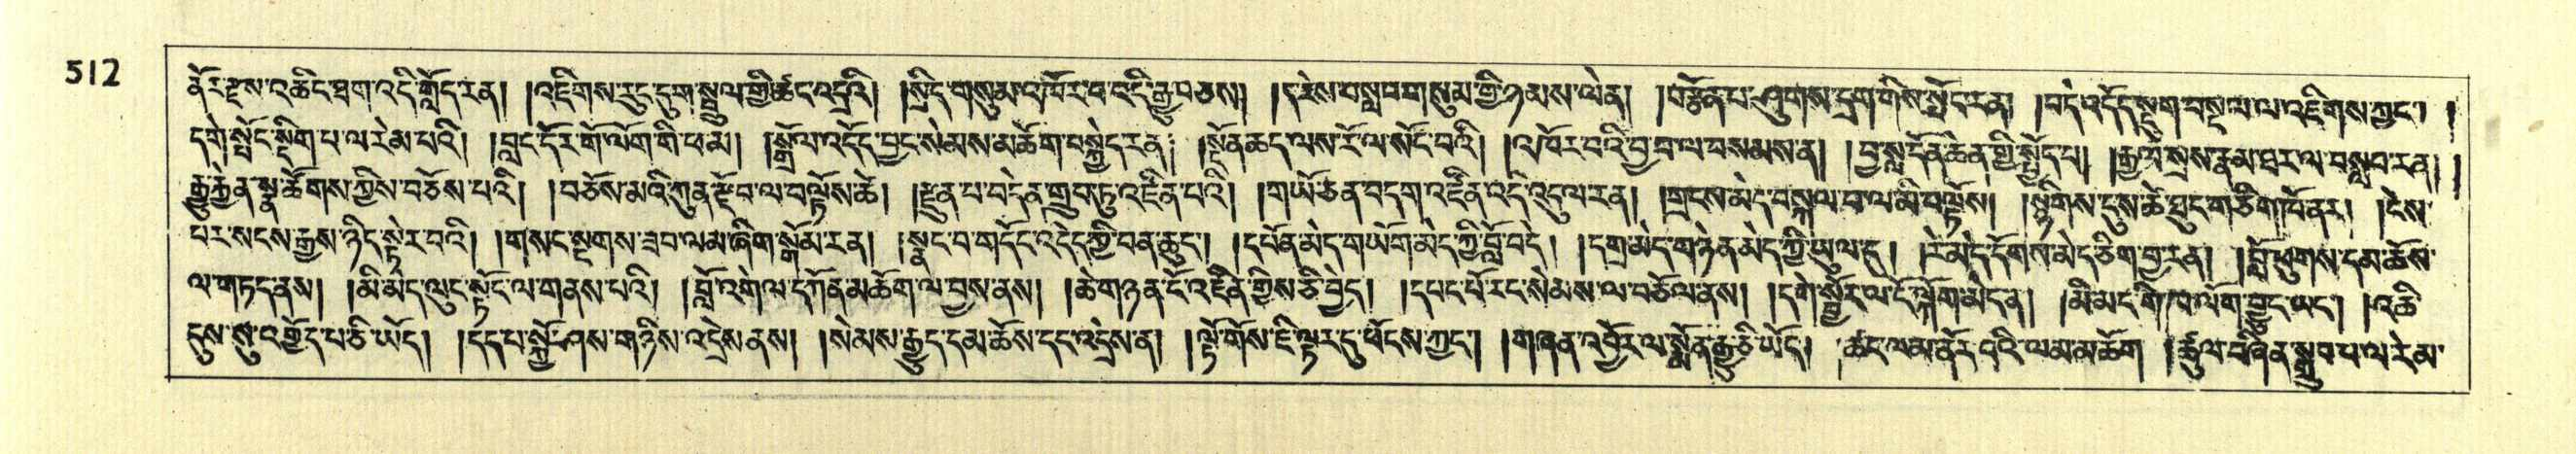ནོར་རྫས་འཆིང་ཐག་འདི་གློད་རན། །འཇིགས་རུང་དུག་སྦྲུལ་གྱི་ཚང་འདྲའི། །སྲིད་གསུམ་འཁོར་བ་འདི་རྒྱུ་བཅས། །ད་རེས་བསླབ་གསུམ་གྱི་ཉམས་ལེན། །བརྩོན་པ་ཤུགས་དྲག་གིས་སྤོང་རན། །བདེ་འདོད་སྡུག་བསྔལ་ལ་འཇིགས་ཀྱང་། །
དགེ་སྤོང་སྡིག་པ་ལ་རེམ་པའི། །བླང་དོར་གོ་ལོག་གི་ཕ་མ། །སྒྲོལ་འདོད་བྱང་སེམས་མཆོག་བསྐྱེད་རན། །སྔོན་ཆད་ལས་རོ་ལ་སོང་བའི། །འཁོར་བའི་བྱ་བ་ལ་བསམས་ན། །བྱ་སླ་དོན་ཆེན་གྱི་སྤྱོད་པ། །རྒྱལ་སྲས་རྣམ་ཐར་ལ་བསླབ་རན། །
རྒྱུ་རྐྱེན་སྣ་ཚོགས་ཀྱིས་བཅོས་པའི། །བཅོས་མའི་ཀུན་རྫོབ་ལ་བལྟོས་ཚེ། །རྫུན་པ་བདེན་གྲུབ་ཏུ་འཛིན་པའི། །གཡོ་ཅན་བདག་འཛིན་འདི་འདུལ་རན། །གྲངས་མེད་བསྐལ་བ་ལ་མི་བལྟོས། །སྙིགས་དུས་ཚེ་ཐུང་གཅིག་ཁོ་ནར། །ངེས་
པར་སངས་རྒྱས་ཉིད་སྟེར་བའི། །གསང་སྔགས་ཟབ་ལམ་ཞིག་སྒོམ་རན། །སྣང་བ་གདོང་འདེད་ཀྱི་བན་ཆུང་། །དཔོན་མེད་གཡོག་མེད་ཀྱི་བློ་བདེ། །དགྲ་མེད་གཉེན་མེད་ཀྱི་ཡུལ་དུ། །རེ་མེད་དོགས་མེད་ཅིག་བྱ་རན། །བློ་ཕུགས་དམ་ཆོས་
ལ་གཏད་ནས། །མི་མེད་ལུང་སྟོང་ལ་གནས་པའི། །བློ་འགེལ་དཀོན་མཆོག་ལ་བྱས་ནས། །ཆེ་གཉན་ངོ་འཛིན་གྱིས་ཅི་བྱེད། །དཔང་པོ་རང་སེམས་ལ་བཅོལ་ནས། །དགེ་སྦྱོར་ལ་དོ་ལྐོག་མེད་ན། །མི་མང་གི་ཁ་ལོག་བྱུང་ཡང་། །འཆི་
དུས་སུ་འགྱོད་པ་ཅི་ཡོད། །དད་པ་སྐྱོ་ཤས་གཉིས་འདྲེས་ནས། །སེམས་རྒྱུད་དམ་ཆོས་དང་འདྲེས་ན། །ལྟོ་གོས་ཇི་ལྟར་དུ་ཕོངས་ཀྱང་། །གཞན་འབྱོར་ལ་སྨོན་རྒྱུ་ཅི་ཡོད། །ཚང་ལམ་ནོར་བའི་ལམ་མཆོག །ཚུལ་བཞིན་སྒྲུབ་པ་ལ་རེམ་